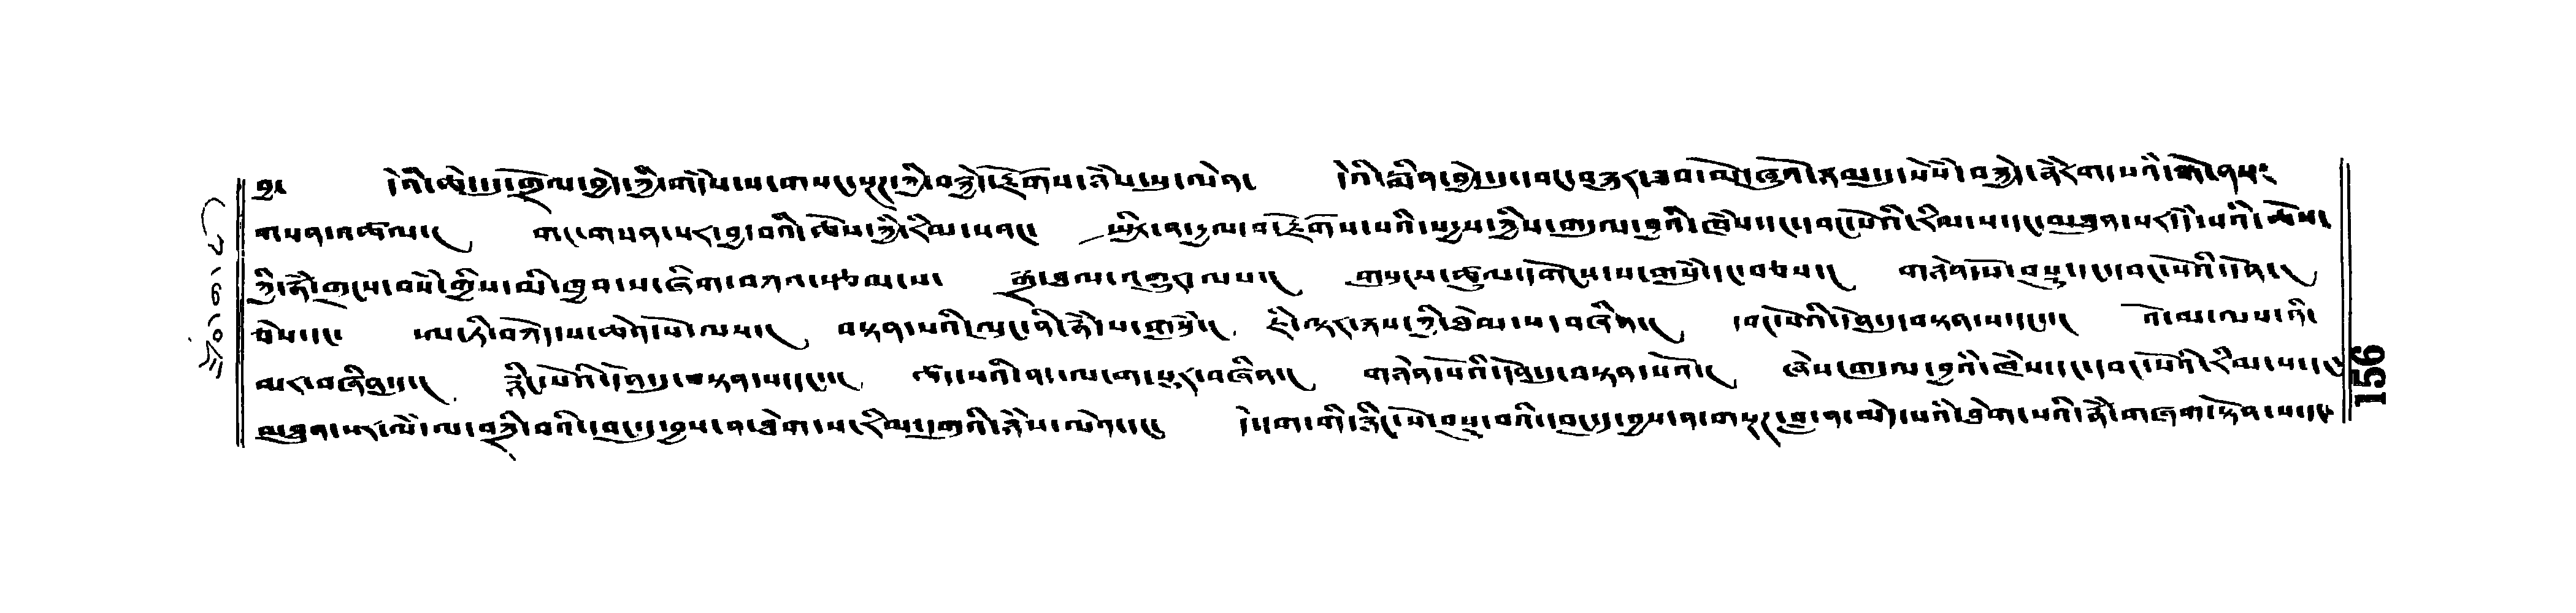བྱ། དེའི་ཆེད་དུ་གྲོལ་བྱེད་ཀྱི་གདམས་པ་གསང་སྔགས་ཀྱི་བསྐྱེད་རྫོགས་ཉམས་སུ་ལེན། དེའི་སྨིན་བྱེད་དུ་དབང་བསྐུར་ཟབ་མོ་ཞུའོ་སྙམ་དུ་སེམས་བསྐྱེད་རྣམ་པར་དག་པའི་སྒོ་ནས་
གསན་འཚལ། གང་གསན་པར་བྱ་བའི་ཆོས་ཀྱི་རིམ་པའང་། སྤྱིར་ན་རྒྱལ་བ་རྫོགས་པའི་སངས་རྒྱས་ཀྱིས་གདུལ་བྱའི་ཁམས་དང་དབང་པོའི་རིམ་པ་དང་མཐུན་པར་དམ་པའི་ཆོས་
ཀྱི་རྣམ་གྲངས་བསམ་གྱིས་མི་ཁྱབ་པ་ཞིག་བཀའ་སྩལ་པ། སྒྲ་ཐལ་འགྱུར་ལས། གསུངས་ཚུལ་དགོངས་པ་གསུམ་དང་བཅས། །གཉེན་པོ་བསྡུ་དང་དབང་པོའི་དོན། །
ཅེས་དང་། ཨ་ཏི་བཀོད་པ་ཆེན་པོ་ལས། བསྟན་པའི་ལུང་ནི་རྣམ་པར་གསུམ། ཇི་ལྟར་སྐས་ཀྱི་ཐེམ་པ་བཞིན། །དབང་པོའི་དོན་དུ་བསྟན་པ་དང་། །འོ་མ་ལས་ནི་
མར་བཞིན་དུ། །སྙིང་པོའི་དོན་དུ་བསྟན་པ་དང་། །ཚད་པའི་ནད་ལ་ག་པུར་བཞིན། །གཉེན་པོའི་དོན་དུ་བསྟན་པའོ། །ཞེས་གདུལ་བྱའི་ཁམས་དང་དབང་པོའི་རིམ་པ་དང་
མཐུན་པར་ལམ་ལ་བཀྲི་བའི་དབང་དུ་བྱས་ན་ཐེག་པ་རིམ་དགུའི་ཉམས་ལེན་དང་། དེ་དག་གི་སྙིང་པོ་བསྡུ་བའི་དབང་དུ་བྱས་ན་གསང་སྔགས་བླ་ན་མེད་པའི་ཐེག་པའི་རྣམ་གཞག་སྟོན་པ་དང་།